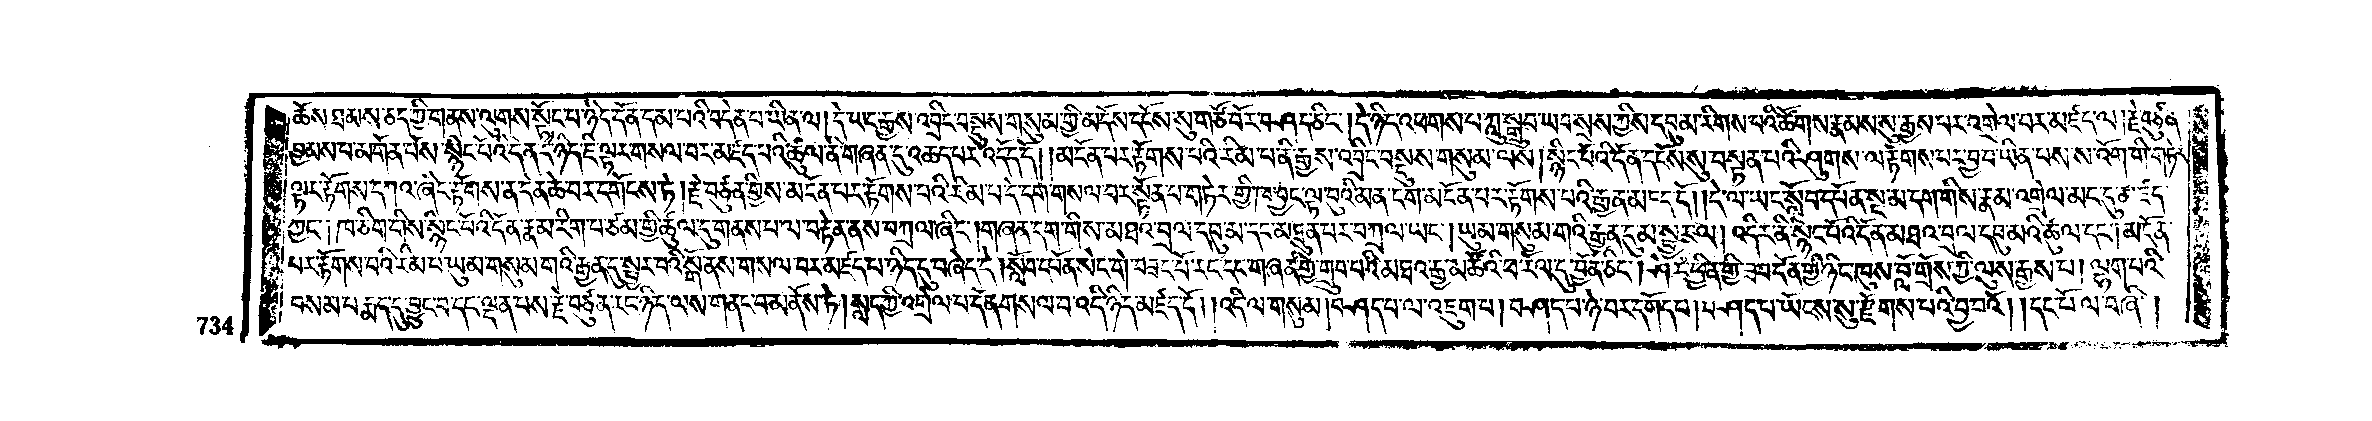ཆོས་ཐམས་ཅད་ཀྱི་གནས་ལུགས་སྟོང་པ་ཉིད་དོན་དམ་པའི་བདེན་པ་ཡིན་ལ། དེ་ཡང་རྒྱས་འབྲིང་བསྡུས་གསུམ་གྱི་མདོས་དངོས་སུ་གཙོ་བོར་བཤད་ཅིང་། དེ་ཉིད་འཕགས་པ་ཀླུ་སྒྲུབ་ཡབ་སྲས་ཀྱིས་དབུ་མ་རིགས་པའི་ཚོགས་རྣམས་སུ་རྒྱས་པར་འགྲེལ་བར་མཛད་ལ། རྗེ་བཙུན་
བྱམས་པ་མགོན་པོས་སྙིང་པོའི་དོན་དེ་ཉིད་ཇི་ལྟར་གསལ་བར་མཛད་པའི་ཚུལ་ནི་གཞན་དུ་འཆད་པར་འདོད་དོ། །མངོན་པར་རྟོགས་པའི་རིམ་པ་ནི་རྒྱས་འབྲིང་བསྡུས་གསུམ་ལས། སྙིང་པོའི་དོན་དངོས་སུ་བསྟན་པའི་ཤུགས་ལ་རྟོགས་པར་བྱ་བ་ཡིན་པས་ས་འོག་གི་གཏེར་
ལྟར་རྟོགས་དཀའ་ཞིང་རྟོགས་ན་དོན་ཆེ་བར་དགོངས་ཏེ། རྗེ་བཙུན་གྱིས་མངོན་པར་ཏོགས་པའི་རིམ་པ་དེ་དག་གསལ་བར་སྟོན་པ་གཏེར་གྱི་ཁ་བྱང་ལྟ་བུའི་མན་ངག་མངོན་པར་རོགས་པའི་རྒྱན་མཛད་དོ། །དེ་ལ་ཡང་སློབ་དཔོན་སྔ་མ་དག་གིས་རནམ་འགྲེལ་མང་དུ་མཛད་
ཀྱང་ཁ་ཅིག་གིས་སྙིང་པོའི་དོན་རྣམ་རིག་པ་ཙམ་གྱི་ཚུལ་དུ་གནས་པ་ལ་བརྟེན་ནས་བཀྲལ་ཞིང་། གཞན་དག་གིས་མཐ༑ བྲལ་དབུ་མ་དང་མཐུན་པར་བཀྲལ་ཡང་། ཡུམ་གསུམ་གའི་རྒྱན་དུ་མ་སྦྱར་ལ། འདིར་ནི་སྙིང་པོའི་དོན་མཐའ་བྲལ་དབུ་མའི་ཚུལ་དང་། མངོན་
པར་རྟོགས་པའི་རིམ་པ་ཡུམ་གསུམ་གའི་རྒྱན་དུ་སྦྱར་བའི་སྒོ་ནས་གསལ་བར་མཛད་པ་ཉིད་དུ་བཞེད་དེ། སློབ་དཔོན་སེང་གི་བཟང་པོ་རང་དང་གཞན་གྱི་གྲུབ་པའི་མཐའ་རྒྱ་མཚོའི་ཕ་རོལ་དུ་བྱོན་ཅིང་། ཤེར་ཕྱིན་གྱི་ཟབ་དོན་གྱི་ཉིང་ཁུས་བློ་གྲོས་ཀྱི་ལུས་རྒྱས་པ། ལྷག་པའི་
བསམ་པ་རྨད་དུ་བྱུང་བ་དང་ལྡན་པས་རྗེ་བཙན་རང་ཉིད་ལས་གནང་བ་མནོས་ཏེ། སླད་ཀྱི་འགྲེལ་བ་དོན་གསལ་བ་འདི་ཉིད་མཛད་དོ། །འདི་ལ་གསུམ། བཤད་པ་ལ་འཇུག་པ། བཤད་པ་ཉེ་བར་དགོད་པ། བཤད་པ་ཡོངས་སུ་རྫོགས་པའི་བྱ་བའོ། །དང་པོ་ལ་བཞི།